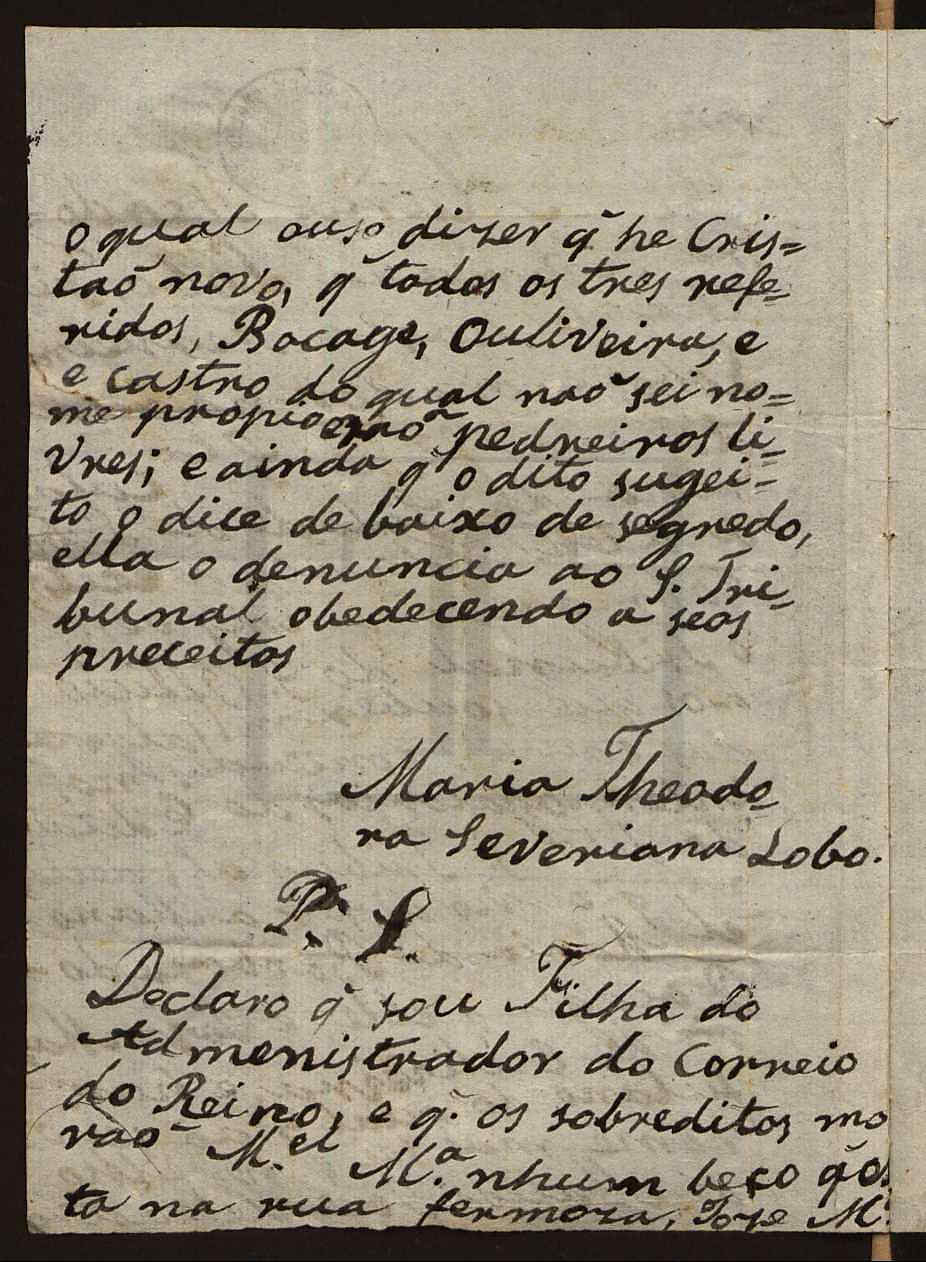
qual ouso dizer q̄ he Cris
taõ novo, q̄ todos os tres refe
ridos, Bocage, Ouliveira, e
e Castro, do qual naõ sei no
me proprio eraõ pedreiros li
vres; e ainda q̄ o dito sugei
to o dice debaixo de segredo,
ella o denuncia ao S. Tri
bunal, obedecendo a seos
preceitos.
Maria Theodo
ra Severiana Lobo.
P. S.
Declaro q̄ sou Filha do
Administrador do Correio
đo Reino, e q̄ os sobreditos mo
raõ Mel Ma nhum beco q̄ es
ta na rua fermosa, Joze M
